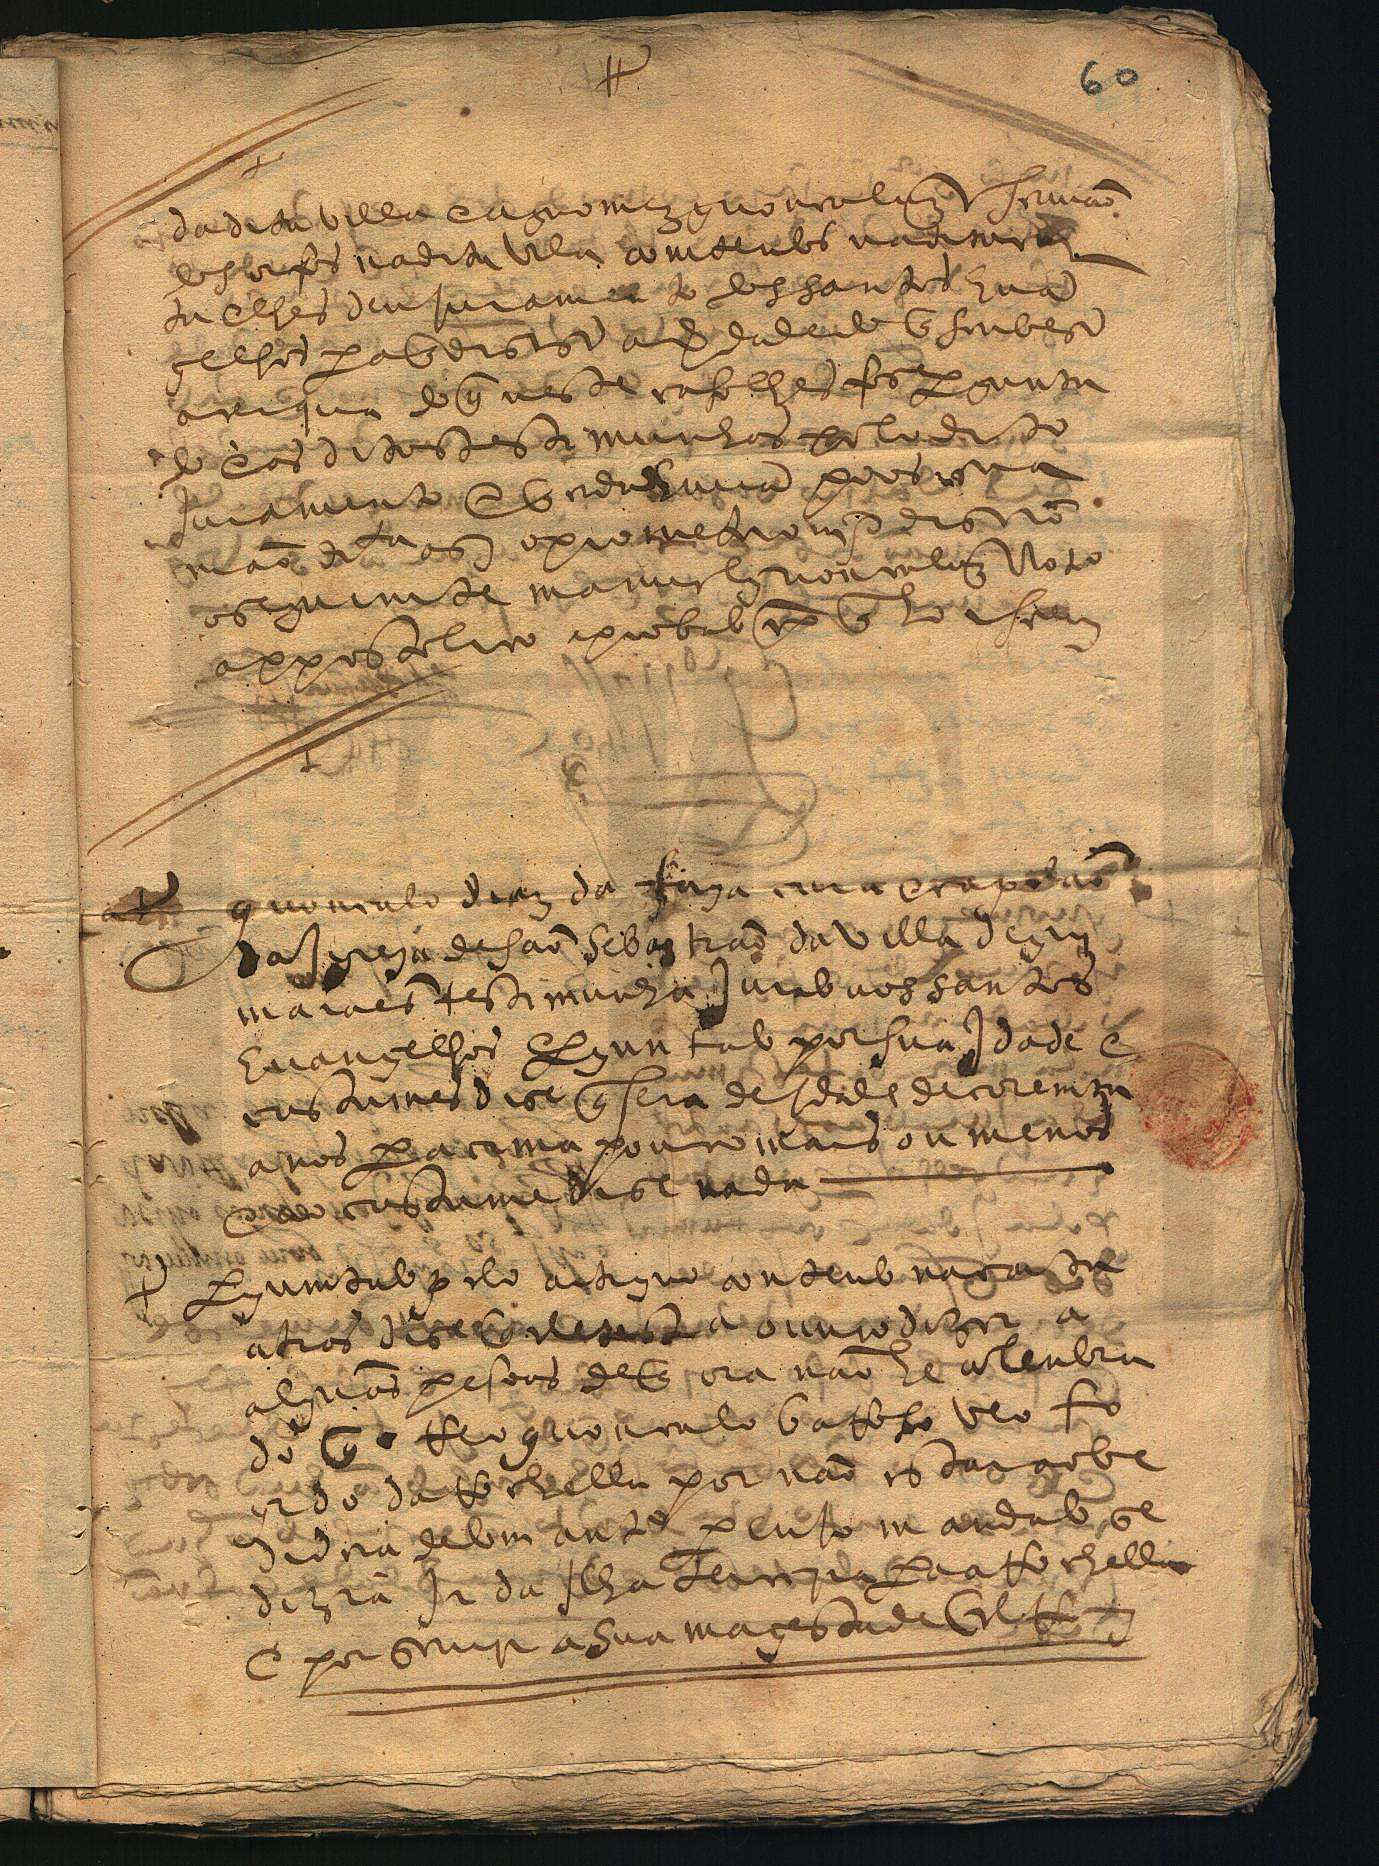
da dita villa e a guomez guonçaluz̄ scriuaõ
dos orfos na dita vila comteudos na dita car
ta e lhes deu Juramēto dos santos Euā
gelhos ꝑa q̄ disesē a ꝟdade do q̄ soubesē
acerqua do q̄ neste caso lhe fose ꝑgunta
do e as ditas testemunhas polo dito
Juramento ē q̄ cada huuā poos sua
mão drta asj o prometerom e diserō
o seguimte manuel guonçaluz̄ Noto
appostolico aprobado c̄ꝭ q̄ ho escreuj
item guonçalo diaz da faya cura e capelaõ
da Jgreja de saõ Sebastião da villa de gui
maraẽs testemunha Jurado aos santos
Euangelhos e ꝑguntado por sua Jdade e
custumes dise q̄ sera de jdade de coremta
anos ꝑa cima pouco mais ou menos
e ao custume dise nada
item ꝑgumtado pelo artiguo conteudo na carta
atras dise q̄ ele testa ouuio dizer a
alguās pesoas de q̄ ora não he alenbra
do q̄ o Reo guonçalo baRoso veo fo
gido da Rochella por não estar a obe
diēcia de dom anto ꝑ cuJo mandado se
dizia Jr da Jlha tercejra ꝑa a Rochella
e por serujr a Sua magestade El Rey
